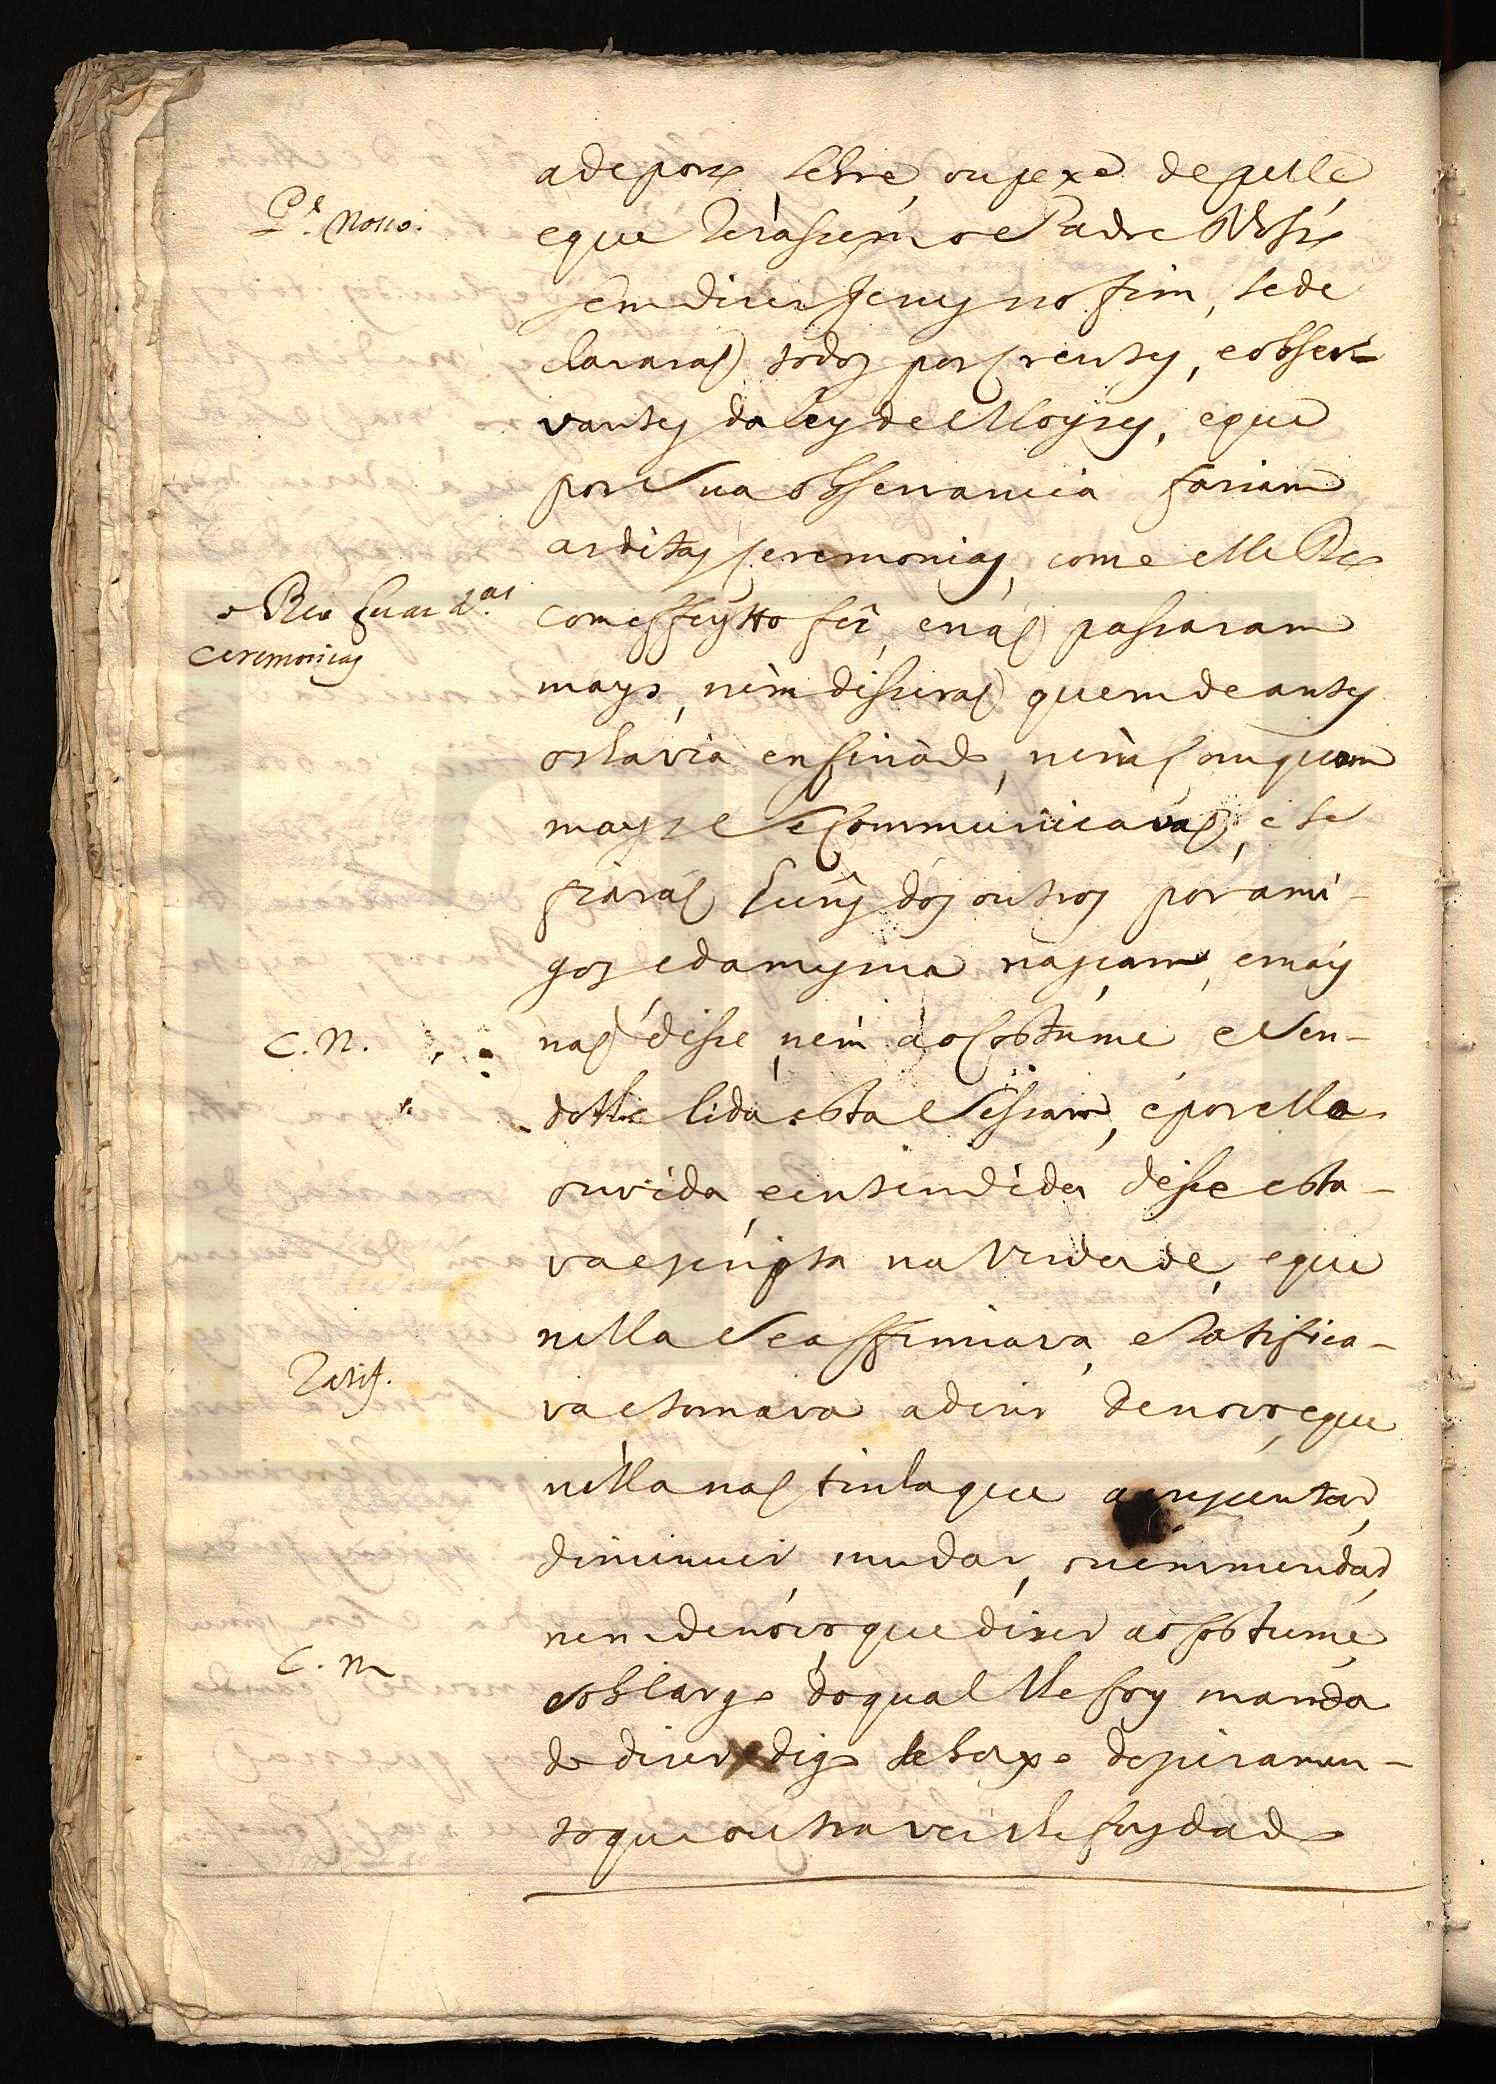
P.e nosso.
o Reo fez as d.as
ceremonias
c. n.
Ratif.
c. no
a de porco, lebre, ou pexe de pelle,
e que Rezassem o Padre Nosso
sem dizer Jesus no fim, se de
clararaõ todos por Crentes, e obser
vantes da ley de Moyzes, e que
por Sua observancia faziam
as ditas Ceremonias, como elle Reo
com effeytto fêz, e naõ passaram
mays, nem disseraõ quem de antes
os havia ensinàdo, nem Com quem
mays Se Communicavaõ, e se
fiaraõ hun̄s dos outros por ami
gos, e da mesma nasçam, e mais
naõ disse, nem ao Costume, e Sen
dolhe lida esta Sessam, e por ella
ouvida e intendida disse esta
va escripta na verdade, e que
nella Se affirmava, e ratifica
va e tornava a dizer de novo, e que
nella naõ tinha que acrescentar,
diminuir, mudar, ou emmendar,
nem de novo, que dizer ao Costume,
sob cargo do qual lhe foy manda
do dizer digo de baixo de juramen
to que outra vez lhe foy dado
